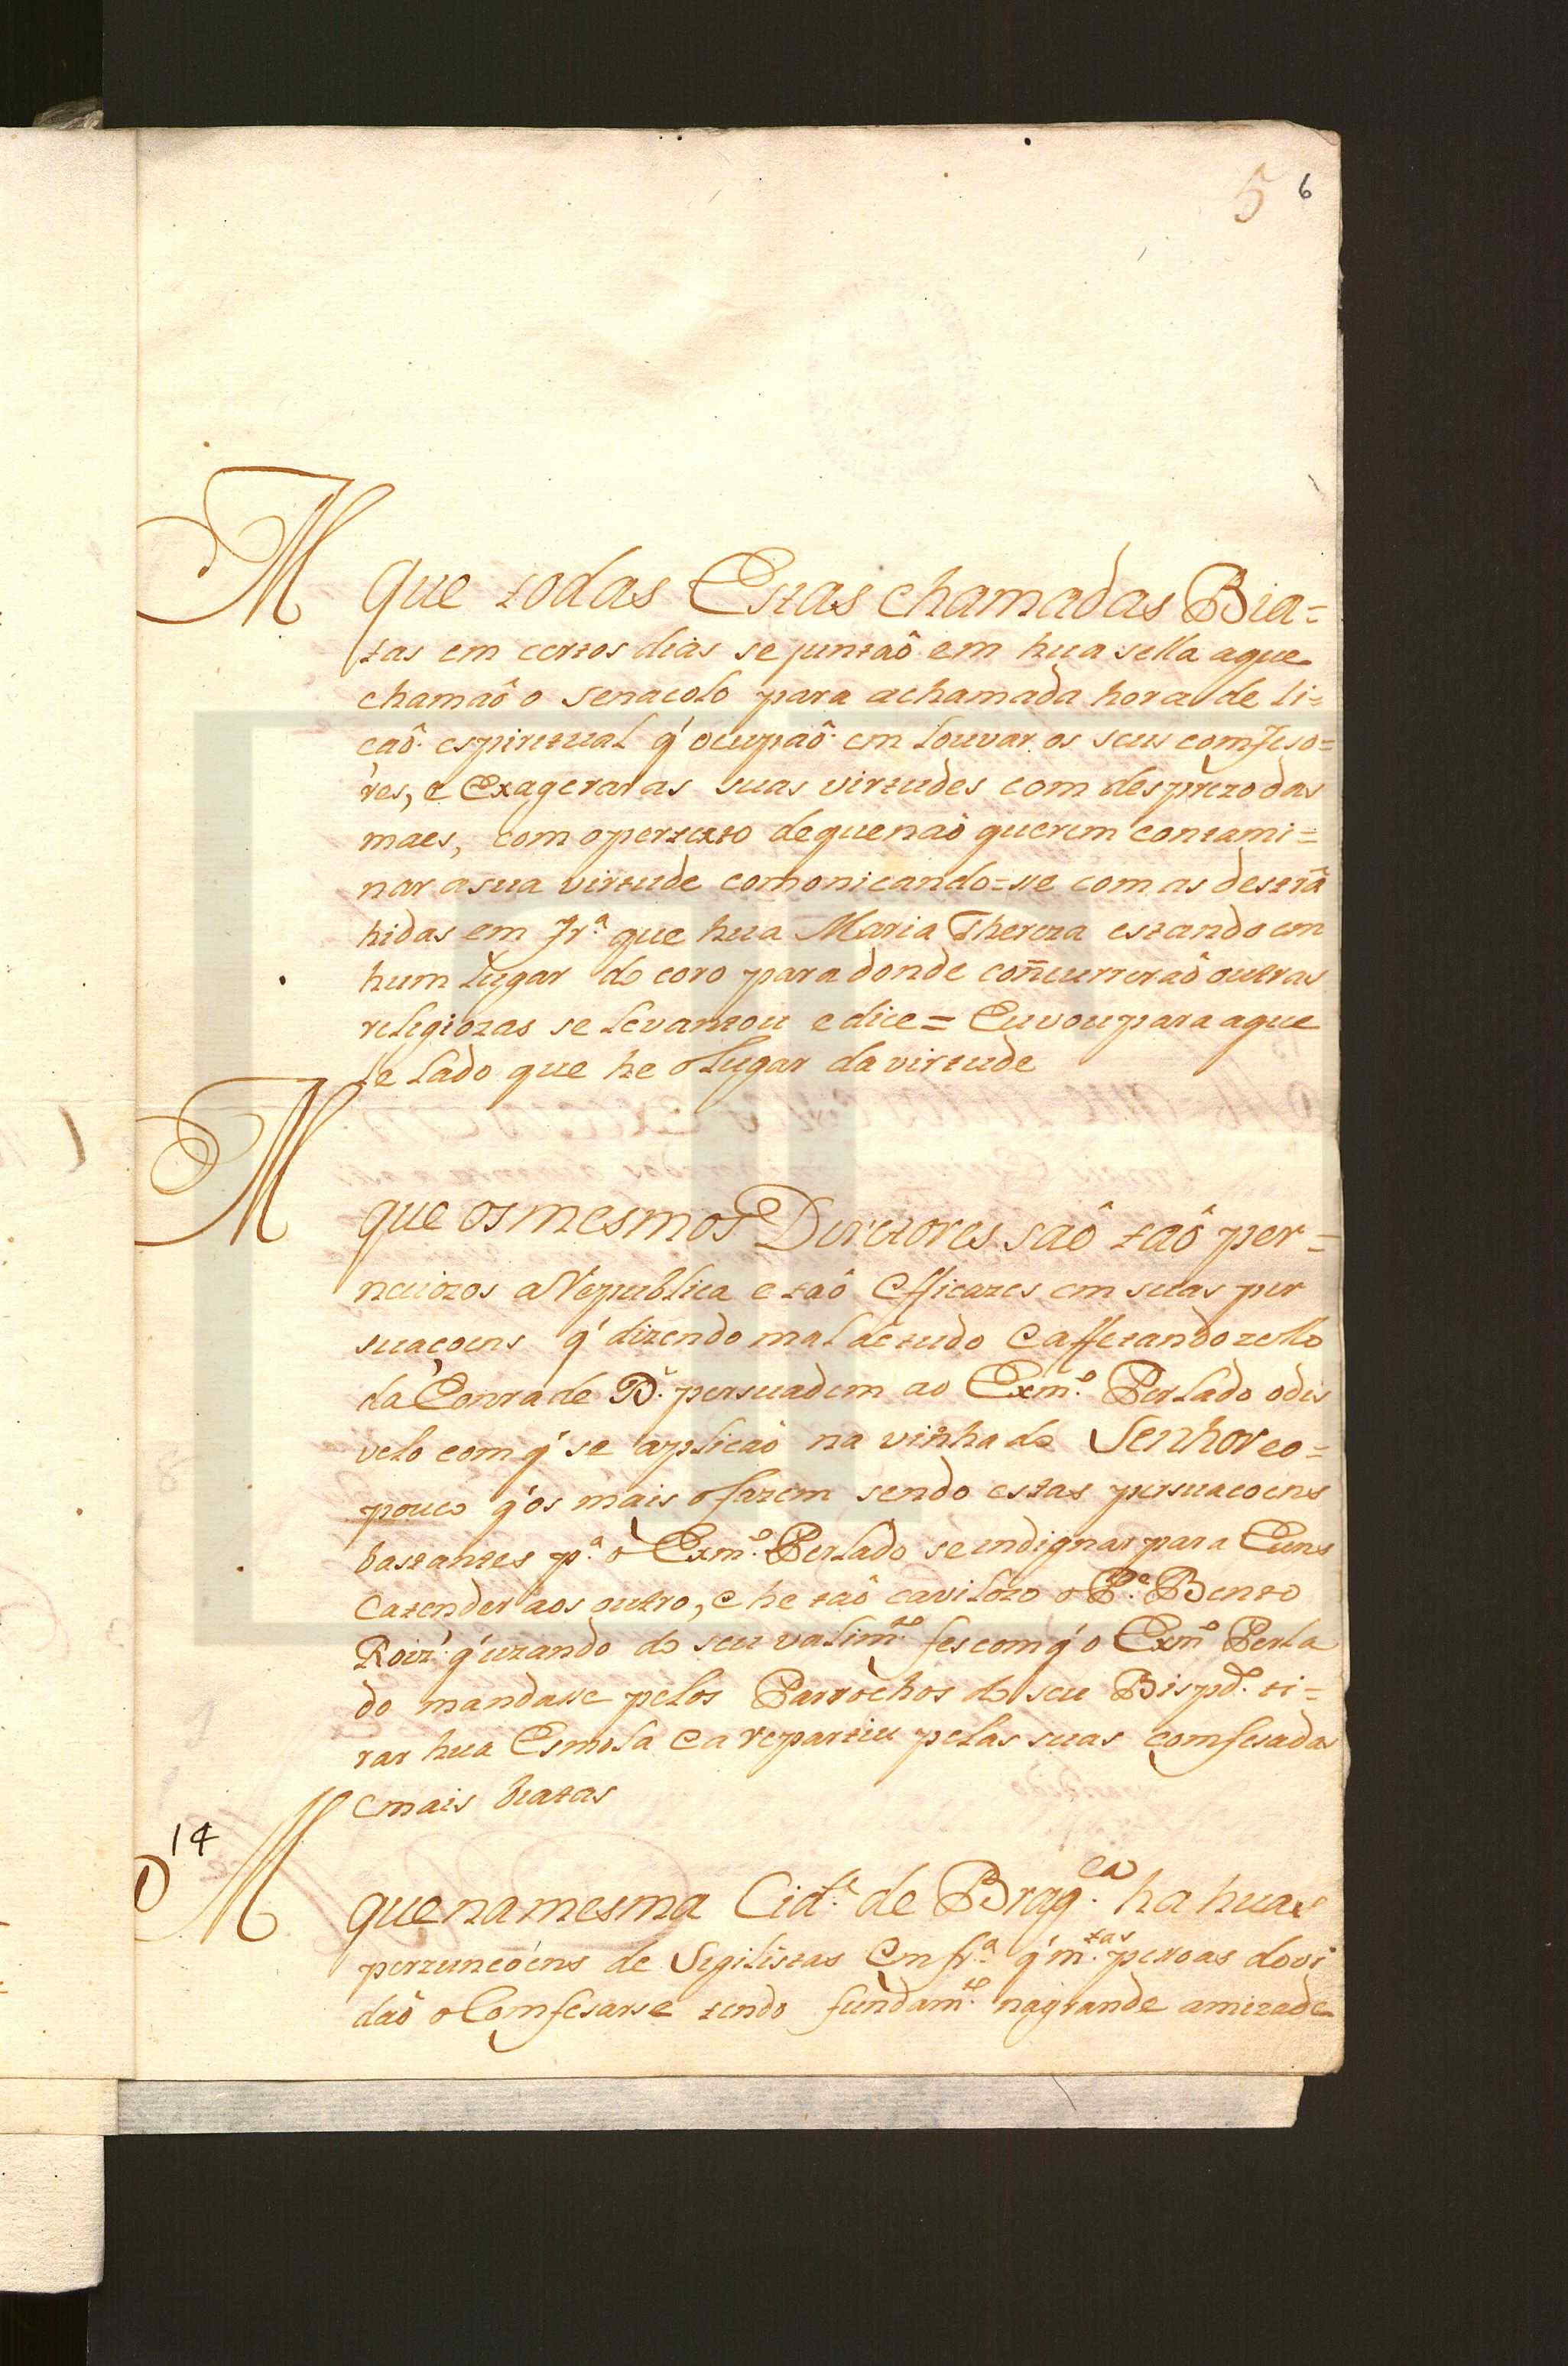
5
M que todas Estas chamadas Bia
tas em certos dias se juntaõ em hua sella a que
chamaõ o senacolo para a chamada hora de li
çaõ espirituaL q̄ ocupaõ em Louvar os seus comfeso
res, e exagerar as suas virtudes com desprezo das
maes, com a pertexto de que naõ querem contami
nar a sua virtude comonicando=sse com as destra
hidas em fr.a que hua Maria Thereza estando em
hum Lugar do coro para donde con̄curreraõ outras
reLigiozas se Levantou e dice= Eu vou para aque
Le Lado que he o Lugar da virtude
que os mesmos Diretores saõ taõ per
M
niciozos a repubLica e taõ efficazs em suas per
saçoens q̄ dizendo maL de tudo e affetando zello
da honra de D.s persuadem ao Exm.o PerLado odis
veLo com q̄ se aplicaõ na vinha do Senhoreo
pouco q̄ os mais o fazem sendo estas persuacoens
bastantes p.a o Exm.o PerLado se indignar para huns
e atender aos outro, e he taõ caviLozo o P.e Bento
Roiz̄ q̄ uzando do seu vaLim.to fes com q̄ o Exm.o PerLa
do mandasse pelos Parrochos do seu Bispad.o ti
rar hua EsmoLa e a repartiu peLas suas comfesadas
e mais beatas
M que na mesma Cid̄.e de Brag.ca ha huas
perzuncoens de Sigilistas em fr.a q̄ m.tas pessoas dovi
daõ o Comfesarse tendo fundam.to na grande amizade
